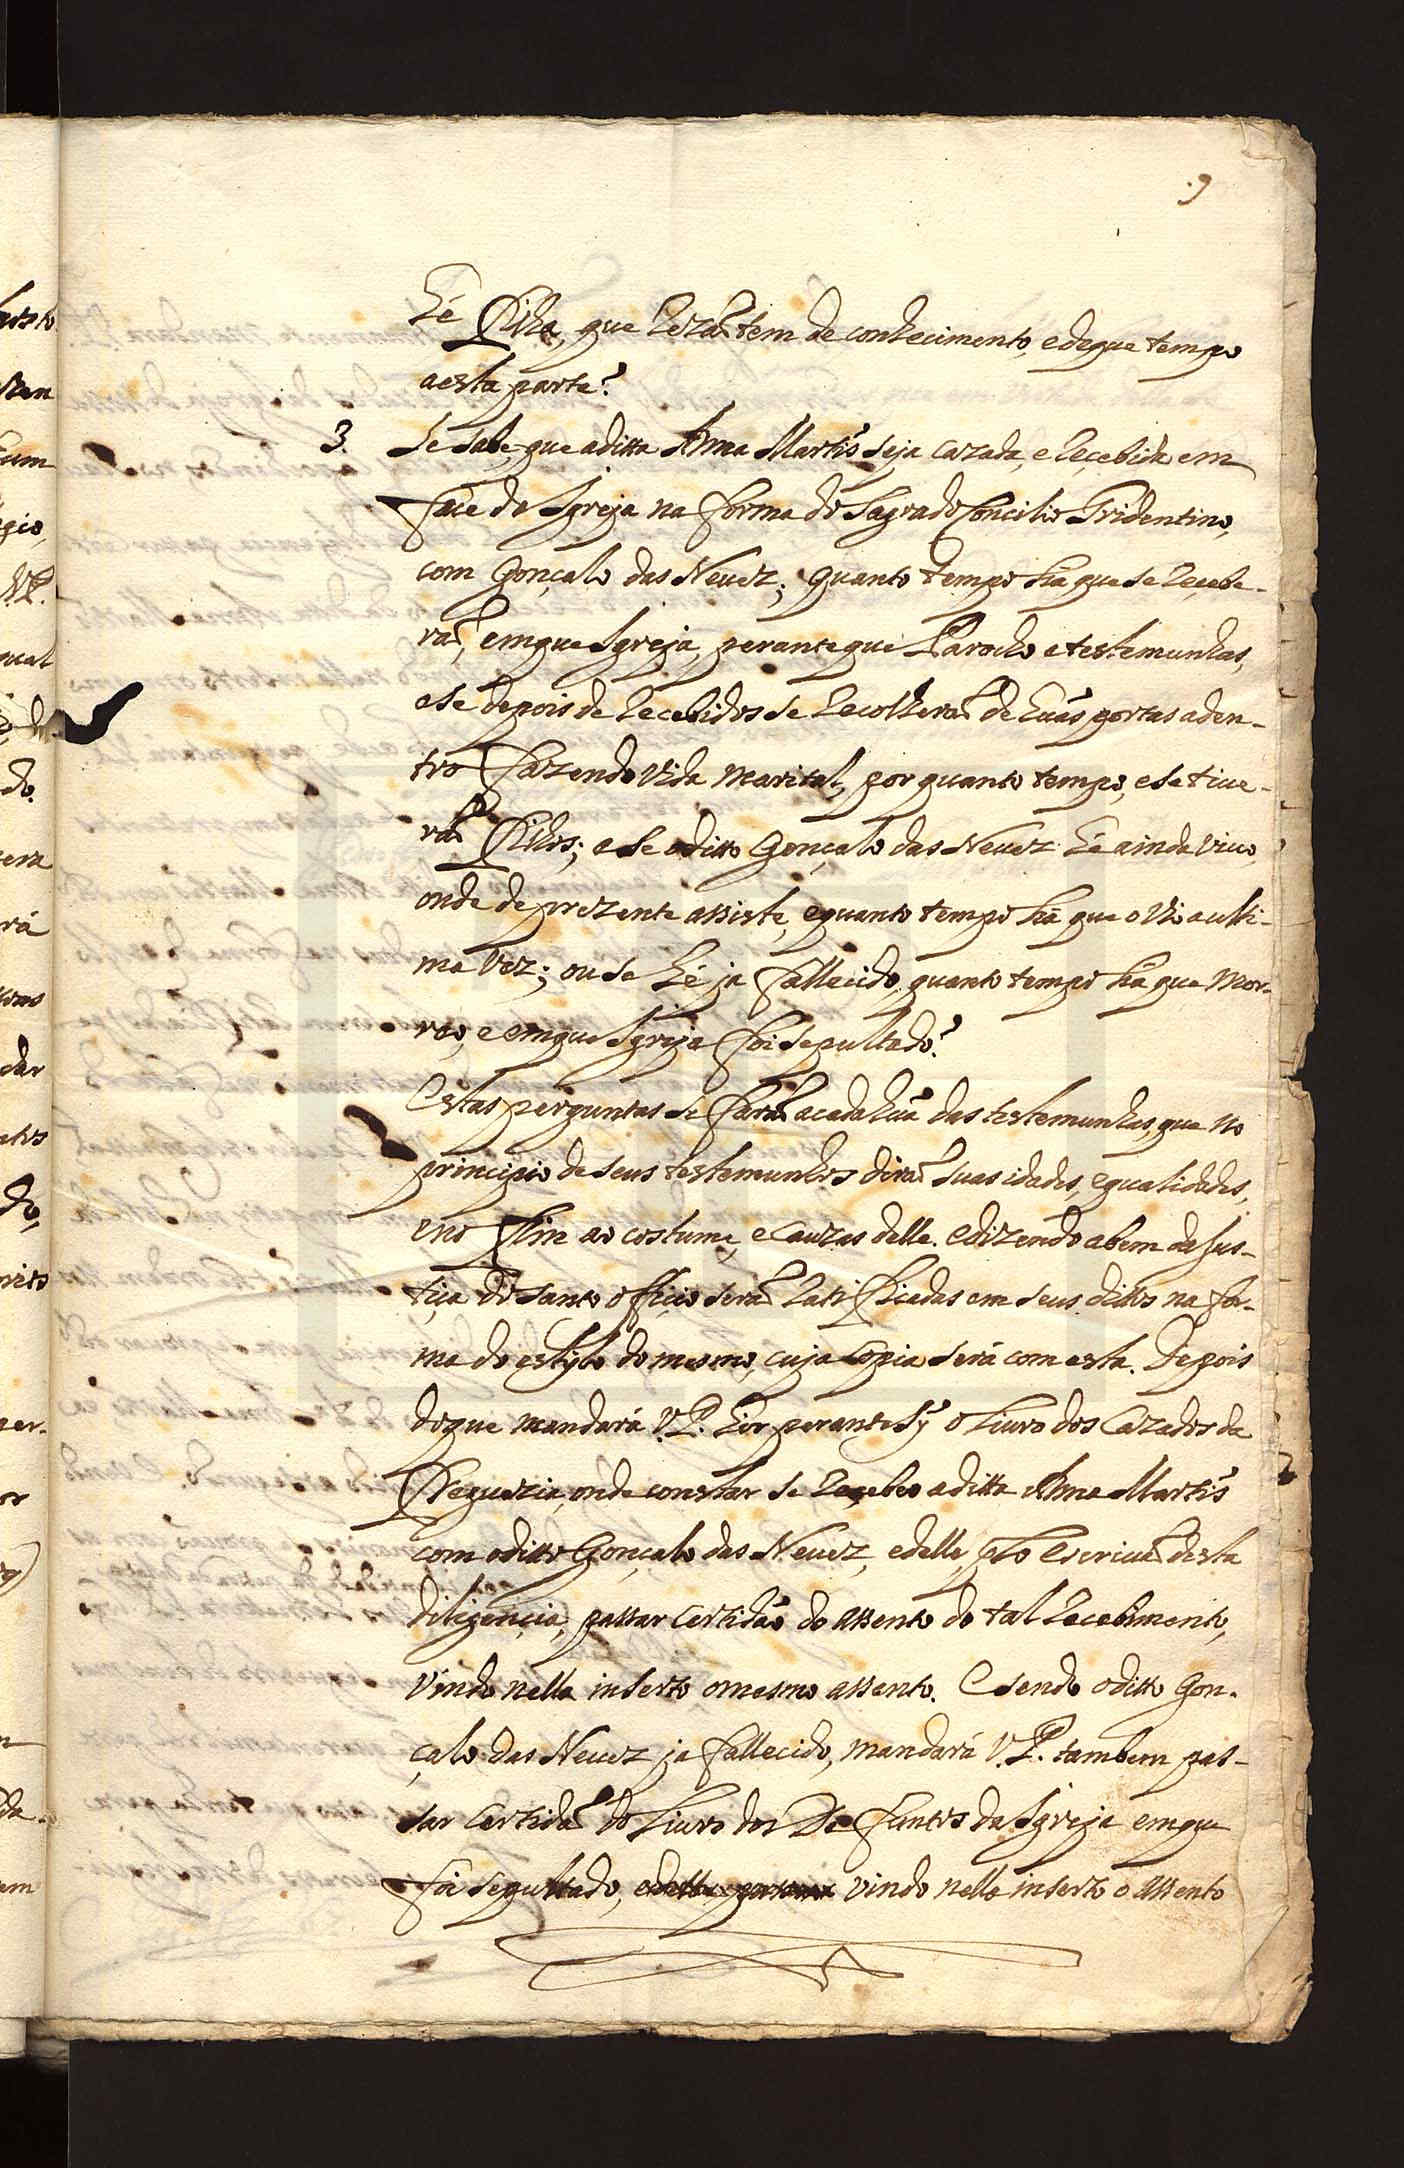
hé filha, que Rezaõ tem de conhecimento, e de que tempo
a esta parte?
3.
Se sabe, que a ditta Anna Martīs seja cazada, e Recebida em
face da Igreja na forma do Sagrado Concilio Tridentino,
com Gonçalo das Neuez; quanto tempo há que se Recebe
raõ, em que Igreja, perante que Parocho e testemunhas,
e se depois de Recebidos se Recolheraõ de huās portas aden
tro fazendo vida marital, porquanto tempo, e se tiue
raõ filhos; e se o ditto Gonçalo das Neuez hé ainda viuo
onde de prezente assiste, e quanto tempo há que o Vio a ulti
ma vez; ou se hé ja fallecido, quanto tempo há que mor
reo, e em que Igreja foi sepultado?
Estas perguntas se faraõ a cada huā das testemunhas, que no
principio de seus testemunhos diraõ suas idades, e qualidades,
e no fim ao costume, e cauzas delle, e dizendo a bem da jus
tiça do santo officio seraõ Ratificadas em seus ditos na for
ma do estylo do mesmo, cuja Copia será com esta. Depois
do que mandará V. P. hir perante sy o Liuro dos Cazados da
freguezia, onde constar se Recebeo a ditta Anna Martis̄
com o ditto Gonçalo das Neuez, e della plo escriuaõ desta
diligencia, passar certidaõ do assento do tal Recebimento,
Vindo nella inserto o mesmo assento. E sendo o ditto Gon
çalo das Neuez ja fallecido, mandará V. P. tambem pas
sar certidaõ do Liuro dos Defuntos da Igreja em que
foi sepultado, e ditto por ser vindo nella inserto o assento
